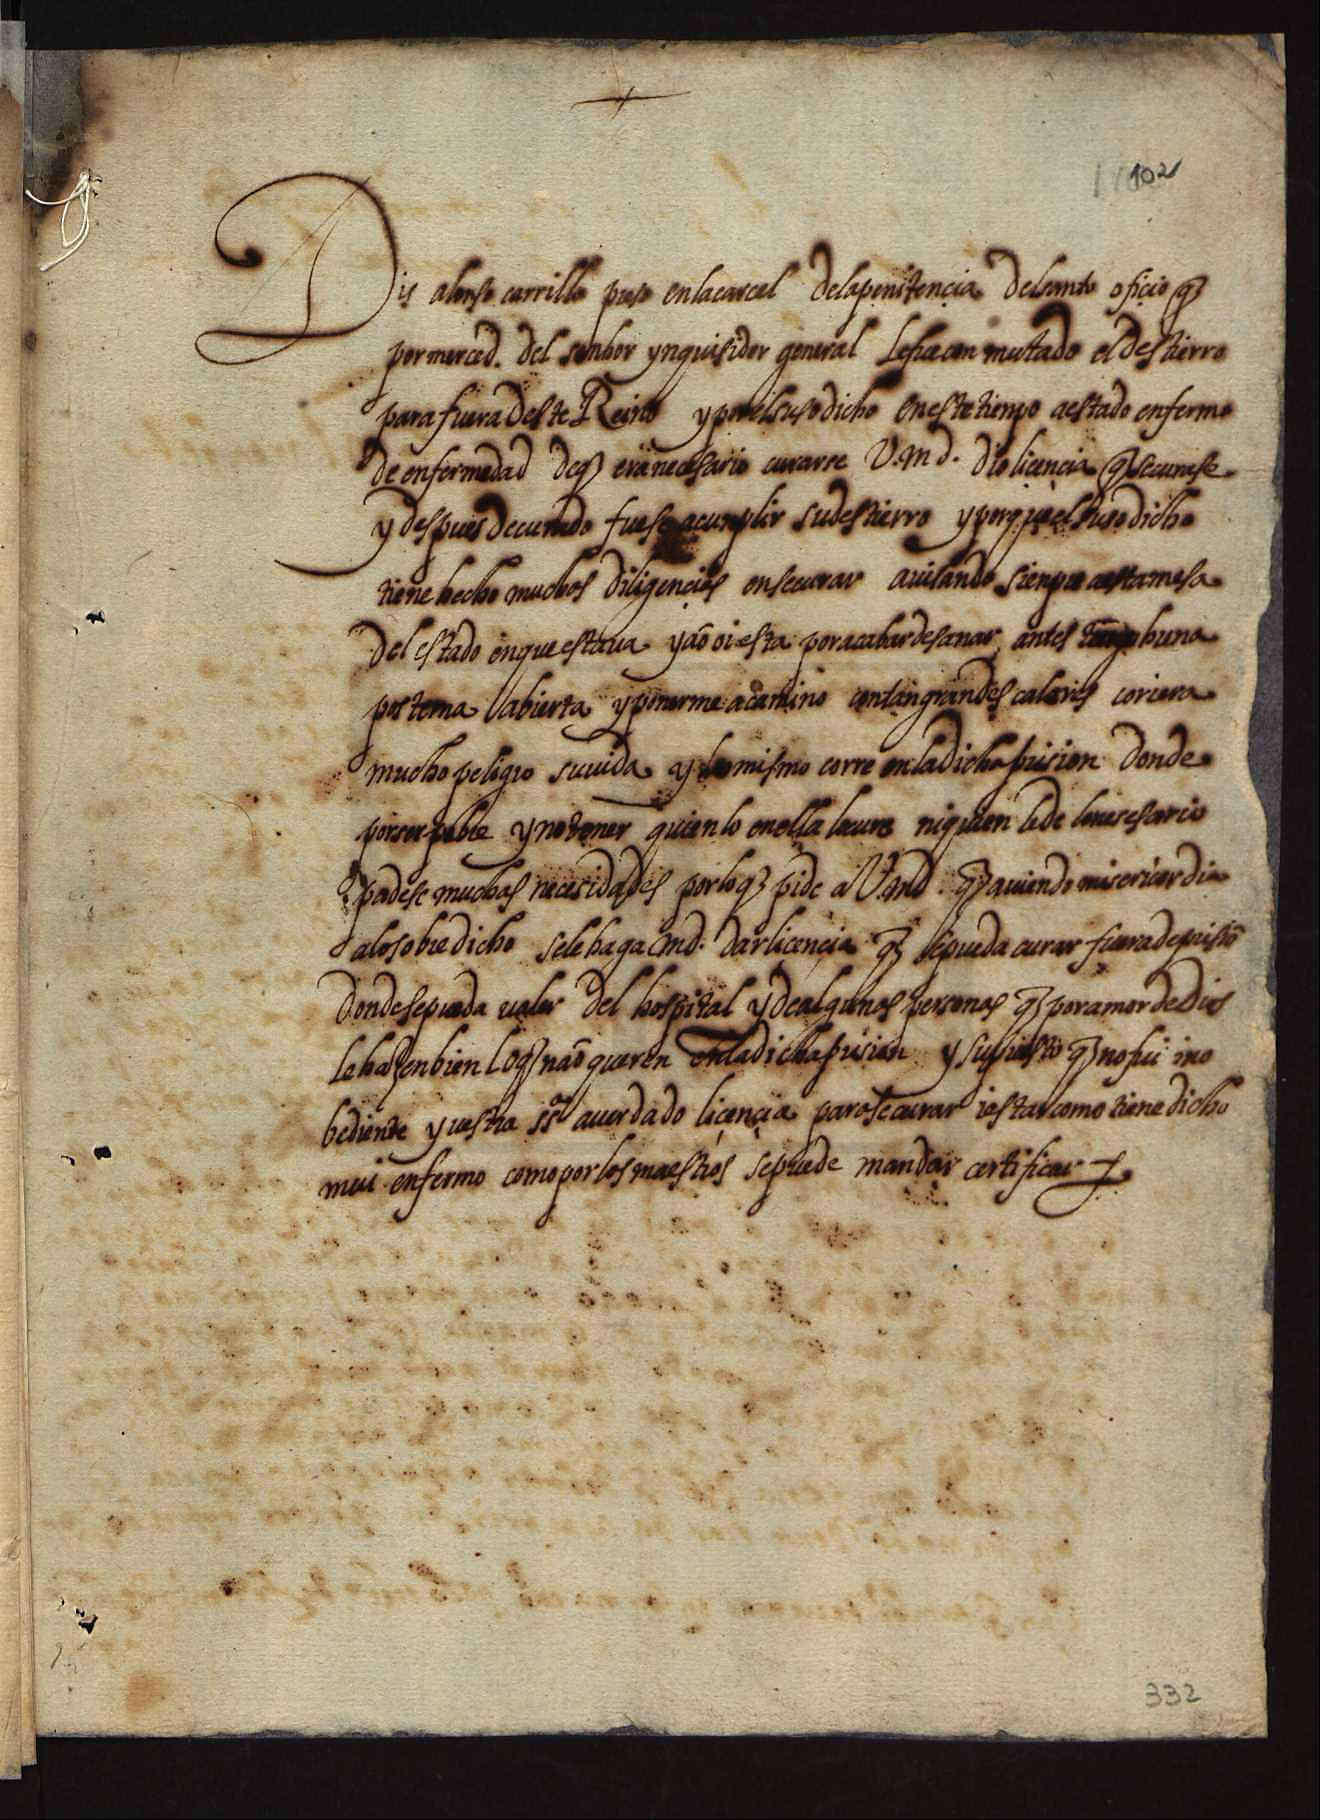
Dis alonso carrillo preso en la carcel de la penitencia del santo oficio q̄
por merced. del senhor ynquisidor general le fue conmutado el destierro
para fuera deste Reino, y por el susodicho en este tienpo a estado enfermo
de enfermedad de q̄ era necesario curarse V. md. dio licencia q̄ se curase
y despues de curado fuese a cunplir su destierro y porque el susodicho
tiene hecho muchas diligencias en se curar auisando sienpre a esta mesa
del estado en que estaua y aō oi esta por acabar de sanar, antes tengo huna
postema abierta y ponerme a camino con tan grandes calores coriera
mucho peligro su uida y lo mismo corre en la dicha prision, donde
por ser pobre, y no tener quien lo en ella lo cure ni quien le de lo necesario
padese muchas necesidades por lo q̄ pide a V md. q̄ auiendo misericordia
a lo sobredicho se le haga md. dar licencia q̄ se pueda curar fuera de prisiō
donde se pueda ualer del hospital y de algunas personas q̄ por amor de Dios
le hazen bien lo q̄ naõ queren en la dicha pririon y supuesto q̄ no fui ino
bediente y uestra ssa auer dado licencia para se curar i estar como tiene dicho
mui enfermo como por los maestro se puede mandar certificar
